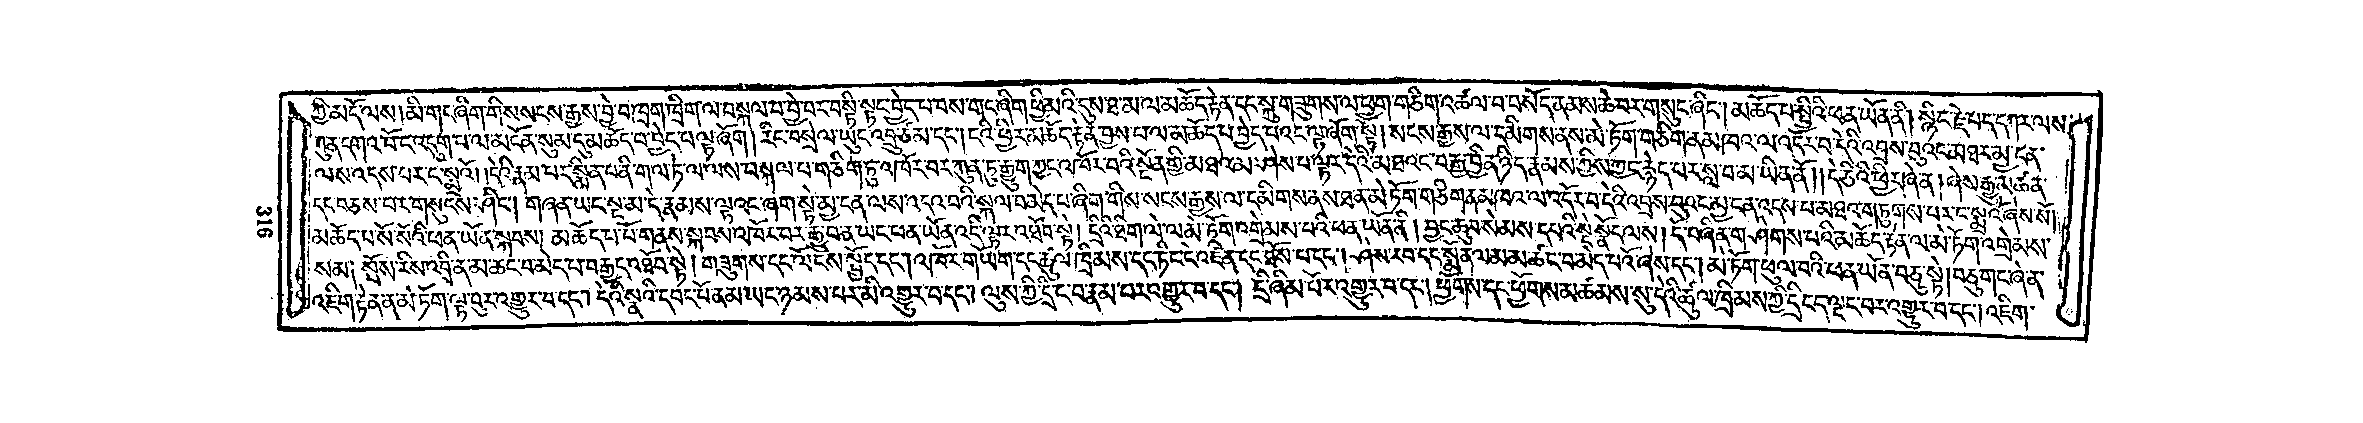ཀྱི་མདོ་ལས། མི་གང་ཞིག་གིས་སངས་རྒྱས་བྱེ་བ་ཁྲག་ཁྲིག་ལ་བསྐལ་བ་བྱེ་བར་བསྟི་སྟང་བྱེད་པ་བས་གང་ཞིག་ཕྱི་མའི་དུས་ཐ་མ་ལ་མཆོད་རྟེན་དང་སྐུ་གཟུགས་ལ་ཕྱག་གཅིག་འཚལ་བ་བསོད་ནམས་ཆེ་བར་གསུང་ཞིང་། མཆོད་པ་སྤྱིའི་ཕན་ཡོན་ནི། སྙིང་རྗེ་པད་དཀར་ལས་
ཀུན་དགའ་པོ་ང་འདུག་པ་ལ་མངོན་སུམ་དུ་མཆོད་པ་བྱེད་པ་ལྟ་ཞོག །རིང་བསྲེལ་ཡུང་འབྲུ་ཙམ་དང་། ངའི་ཕྱིར་མཆོད་རྟེན་བྱས་པ་ལ་མཆོད་པ་བྱེད་པའང་ལྟ་ཞོག་སྟེ། སངས་རྒྱས་ལ་དམིགས་ནས་མེ་ཏོག་གཅིག་ནམ་མཁའ་ལ་འདོར་བ་དེའི་འབྲས་བུའང་མཐར་མྱ་ངན་
ལས་འདས་པར་ང་སྨྲའོ། །དེའི་རྣམ་པར་སྨིན་པ་ནི་གལ་ཏེ་ལ་ལས་བསྐལ་པ་གཅིག་ཏུ་འཁོར་བར་ཀུན་ཏུ་རྒྱུག་ཀྱང་འཁོར་བའི་སྔོན་གྱི་མཐའ་མ་ཤེས་པ་ལྟར་དེའི་མཐའང་བརྒྱ་བྱིན་ཉིད་རྣམས་ཀྱིས་ཀྱང་རྙེད་པར་སླ་བ་མ་ཡིན་ནོ། །དེ་ཅིའི་ཕྱིར་ཞེ་ན། ཞེས་རྒྱུ་མཚན་
དང་བཅས་པར་གསུངས་ཤིང་། གཞན་ཡང་སྔ་མ་དེ་རྣམས་ལྟའང་ཞག་སྟེ་མྱ་ངན་ལས་འདའ་བའི་སྐལ་བ་མེད་པ་ཞིག་གིས་སངས་རྒྱས་ལ་དམིགས་ནས་ཐ་ན་མེ་ཏོག་གཅིག་ནམ་མཁའ་ལ་འདོར་བ་དེའི་འབྲས་བུའང་མྱ་ངན་འདས་པ་མཐའ་གཏུགས་པར་ང་སྨྲའོ་ཞེས་སོ། །
མཆོད་པ་སོ་སོའི་ཕན་ཡོན་སྐབས། མཆོད་པ་པོ་གནས་སྐབས་འཁོར་བར་རྒྱུ་བ་ན་ཡང་ཕན་ཡོན་འདི་ལྟར་འཐོབ་སྟེ། དྲིའི་ཐིག་ལེ་ལ་མེ་ཏོག་འགྲེམས་པའི་ཕན་ཡོན་ནི། བྱང་ཆུབ་སེམས་དཔའི་སྡེ་སྣོད་ལས། དོ་བཞིན་གཤེགས་པའི་མཆོད་རྟེན་ལ་མེ་ཏོག་འགྲེམས་
སམ། སྤོས་རིས་འབྲི་ན་མ་ཆང་བ་མེད་པ་བརྒྱད་འཐོབ་སྟེ། གཟུགས་དང་ལོངས་སྤྱོད་དང་། འཁོར་གཡོག་དང་ཚུལ་ཁྲིམས་དང་ཏིང་ངེ་འཛིན་དང་ཐོས་པ་དང་། ཤེས་རབ་དང་སྨོན་ལམ་མཚང་བ་མེད་པའོ་ཞེས་དང་། མེ་ཏོག་ཕུལ་བའི་ཕན་ཡོན་བཅུ་སྟེ། བཅུ་གང་ཞེ་ན་
འཇིག་རྟེན་ན་མེ་ཏོག་ལྟ་བུར་འགྱུར་བ་དང་། དེའི་སྣའི་དབང་པོ་ནམ་ཡང་ཉམས་པར་མི་འགྱུར་བ་དང་། ལུས་ཀྱི་དྲི་ང་བ་རྣམ་པར་འགྱུར་བ་དང་། དྲི་ཞིམ་པོར་འགྱུར་བ་དང་། ཕྱོགས་དང་ཕྱོགས་མཚམས་སུ་དེའི་ཚུལ་ཁྲིམས་ཀྱི་དྲི་ངད་ལྡང་བར་འགྱུར་བ་དང་། འཇིག་